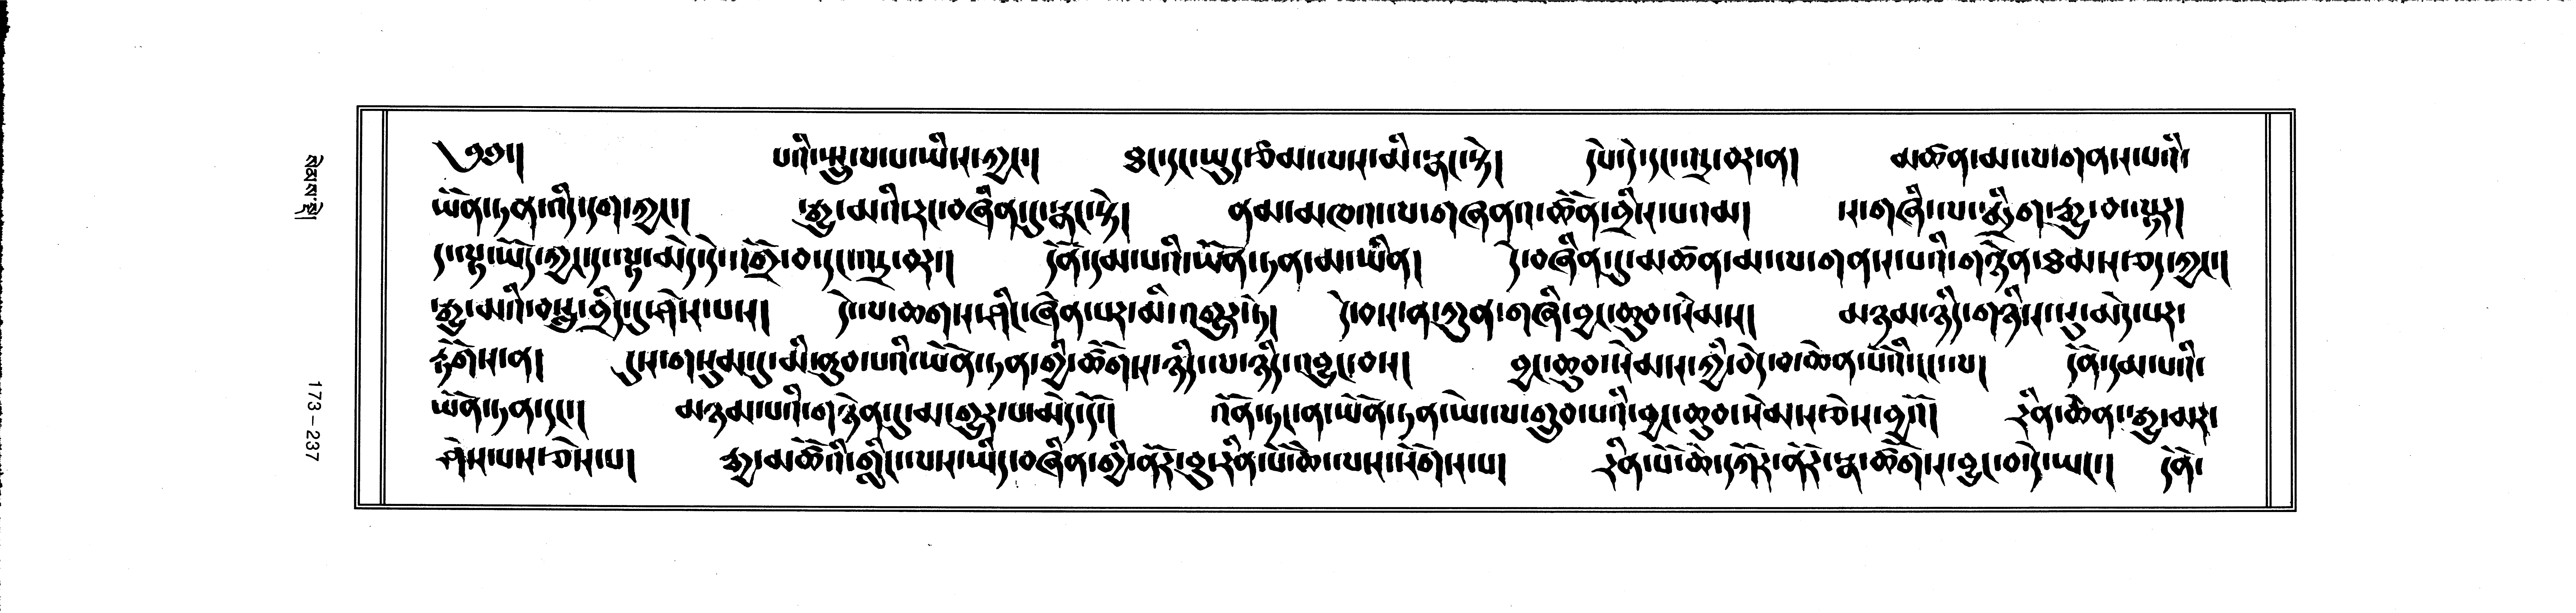པའི་སྤྲུལ་པ་ཡིས་ཀྱང་། ཐང་དང་ཡུད་ཙམ་ལས་མི་སྣང་སྟེ། དཔེ་དེ་དང་འདྲ་བར་ན། མཚན་མ་ལ་གནས་པའི་
ཡོན་ཏན་འདི་དག་ཀྱང་། སྒྱུ་མའི་རང་བཞིན་དུ་སྣང་སྟེ། ནམ་མཁའ་ལ་གཞའ་ཚོན་བྲིས་པའམ། ས་གཞི་ལ་སྨྲིག་སྒྱུ་བ་ལྟར། 
ད་ལྟ་ཡོད་ཀྱང་ད་ལྟ་མེད་དེ་འགྲོ་བ་དང་འདྲ་བར། དོན་དམ་པའི་ཡོན་ཏན་མ་ཡིན། དེ་བཞིན་དུ་མཚན་མ་ལ་གནས་པའི་གཉེན་ཐམས་ཅད་ཀྱང་། 
སྒྱུ་མའི་བསླུ་བྲིད་དུ་ཤེས་པས་དེ་ལ་ཆགས་ཤིང་ཞེན་པར་མི་འགྱུར་ཏེ། དེ་བས་ཀུན་གཞི་བྱང་ཆུབ་སེམས། མཉམ་ཉིད་གཉིས་སུ་མེད་པར་
རྟོགས་ན། དུས་གསུམ་དུ་མི་ནུབ་པའི་ཡོན་ཏན་གྱི་ཚོགས་ཉིད་ལ་ཉིད་འབྱུང་བས། བྱང་ཆུབ་སེམས་ཀྱི་བདེ་བ་ཆེན་པོའི་ངང་ལ། དོན་དམ་པའི་
ཡོན་ཏན་དང་། མཉམ་པའི་གཉེན་དུ་མ་གྱུར་པ་མེད་དོ། །འོན་ཏང་ན་ཡོན་ཏན་ཡེ་ལ་གྲུབ་པའི་བྱང་ཆུབ་སེམས་ཅེས་བྱའོ། །རིན་ཆེན་སྒྱུ་མར་
ཤེས་པ་ཅེས་པ། རྒྱ་མཚོའི་གླིང་ལས་ཡིད་བཞིན་གྱི་ནོར་བུ་རིན་པོ་ཆེ་ལས་སོགས་པ། རིན་པོ་ཆེ་དཀོར་ནོར་སྣ་ཚོགས་བྱུང་བ་དེ་ཡང་། དོན་